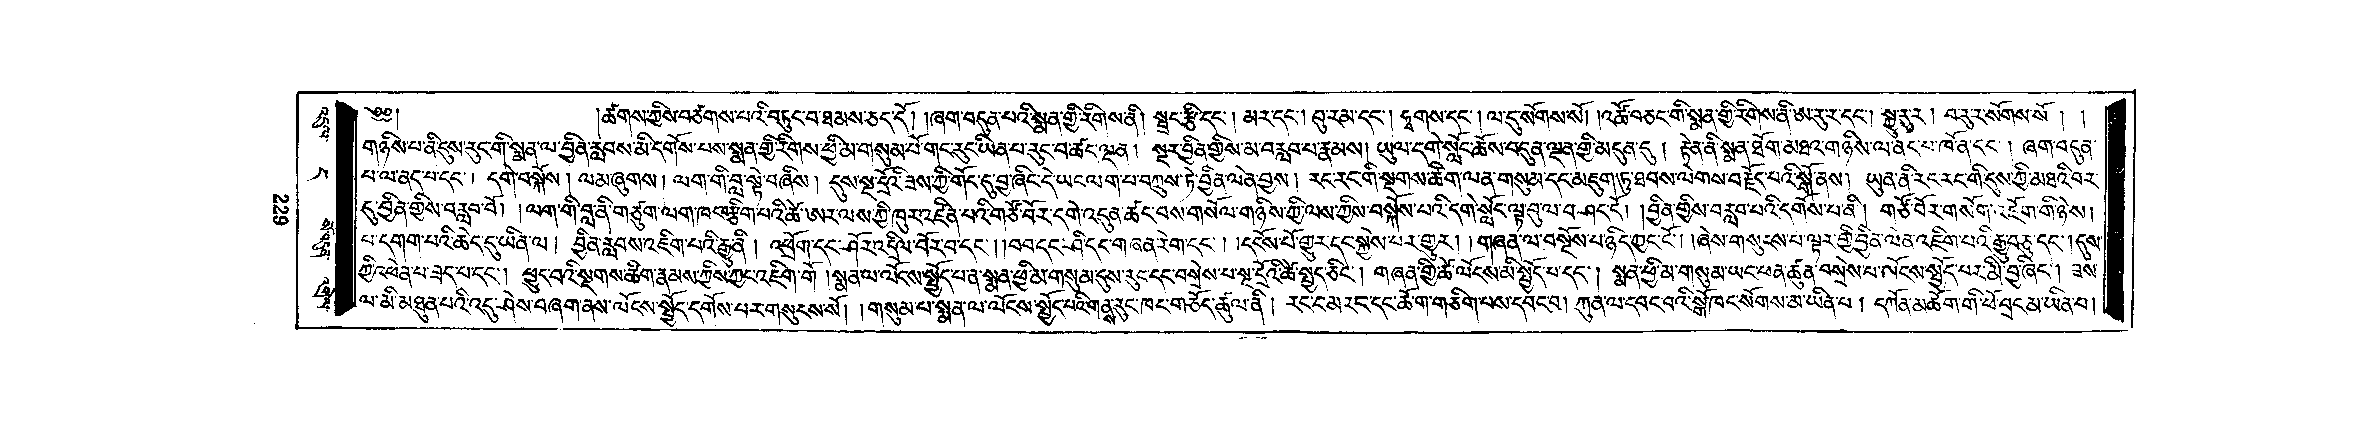༄༅། །ཚགས་ཀྱིས་བཙགས་པའི་བཏུང་བ་ཐམས་ཅད་དོ། །ཞག་བདུན་པའི་སྨན་གྱི་རིགས་ནི། སྦྲང་རྩི་དང་། མར་དང་། བུ་རམ་དང་། ཧྭགས་དང་། ལ་དུ་སོགས་སོ། །འཚོ་བཅང་གི་སྨན་གྱི་རིགས་ནི་ཨ་རུ་ར་དང་། སྐྱུ་རུ་ར། བ་རུ་ར་སོགས་སོ། །
གཉིས་པ་ནི་དུས་རུང་གི་སྨན་ལ་བྱིན་རླབས་མི་དགོས་པས་སྨན་གྱི་རིགས་ཕྱི་མ་གསུམ་པོ་གང་རུང་ཡིན་པ་རུང་བ་ཚད་ལྡན། སྔར་བྱིན་གྱིས་མ་བརླབ་པ་རྣམས། ཡུལ་དགེ་སློང་ཆོས་བདུན་ལྡན་གྱི་མདུན་དུ། རྟེན་ནི་སྨན་ཐོག་མཐའ་གཉིས་ལ་ནད་པ་ཁོ་ན་དང་། ཞག་བདུན་
པ་ལ་ནད་པ་དང་། དགེ་བསྐོས། ལམ་ཞུགས། ལག་གི་བླ་སྟེ་བཞིས། དུས་སྔ་དྲོའི་ཟས་ཀྱི་གོང་དུ་བྱ་ཞིང་དེ་ཡང་ལག་པ་བཀྲུས་ཏེ་བྱིན་ལེན་བྱས། རང་རང་གི་སྔགས་ཚིག་ལན་གསུམ་དང་མཇུག་ཏུ་ཐབས་ལེགས་བརྗོད་པའི་སྒོ་ནས། ཡུན་ནི་རང་རང་གི་དུས་ཀྱི་མཐའི་བར་
དུ་བྱིན་གྱིས་བརླབ་བོ། །ལག་གི་བླ་ནི་གཙུག་ལག་ཁང་བརྩིག་པའི་ཚེ་ཨར་ལས་ཀྱི་ཁུར་འཛིན་པའི་གཙོ་བོར་དགེ་འདུན་ཚང་བས་གསོལ་གཉིས་ཀྱི་ལས་ཀྱིས་བསྐོས་པའི་དགེ་སློང་ལྟ་བུ་ལ་བཤད་དོ། །བྱིན་གྱིས་བརླབ་པའི་དགོས་པ་ནི། གཙོ་བོར་གསོག་འཇོག་གི་ཉེས།
པ་དགག་པའི་ཆེད་དུ་ཡིན་ལ། བྱིན་རླབས་འཇིག་པའི་རྒྱུ་ནི། འཕྲོག་དང་ཤོར་འདྲིལ་བོར་བ་དང་། །བབ་དང་ཤི་དང་གཞན་རེག་དང་། །དངོས་པོ་གྱུར་དང་སྐྱེས་པར་གྱུར། །གཞན་ལ་བསྔོས་པ་ཉིད་ཀྱང་ངོ། །ཞེས་གསུངས་པ་ལྟར་གྱི་བྱིན་ལེན་འཇིག་པའི་རྒྱུ་བཅུ་དང་། དུས་
ཀྱི་འཕེན་པ་ཟད་པ་དང་། ཕྱུད་བའི་སྔགས་ཚིག་རྣམས་ཀྱིས་ཀྱང་འཇིག་གོ །སྨན་ལ་ལོངས་སྤྱོད་པ་ན་སྨན་ཕྱི་མ་གསུམ་དུས་རུང་དང་བསྲེས་པ་སྔ་དྲོའི་ཚེ་སྤྱད་ཅིང་། གཞན་གྱི་ཚེ་ལོངས་མི་སྤྱོད་པ་དང་། སྨན་ཕྱི་མ་གསུམ་ཡང་ཕན་ཚུན་བསྲེས་པ་ལོངས་སྤྱོད་པར་མི་བྱ་ཞིང་། ཟས་
ལ་མི་མཐུན་པའི་འདུ་ཤེས་བཞག་ནས་ལོངས་སྤྱོད་དགོས་པར་གསུངས་སོ། །གསུམ་པ་སྨན་ལ་ལོངས་སྤྱོད་པའི་གནས་རུང་ཁང་གཅོད་ཚུལ་ནི། རང་ངམ་རང་དང་ཆོ་ག་གཅིག་པས་དབང་བ། ཀུན་ལ་དབང་བའི་སྒོ་ཁང་སོགས་མ་ཡིན་པ། དཀོན་མཆོག་གི་ཕོ་བྲང་མ་ཡིན་པ།